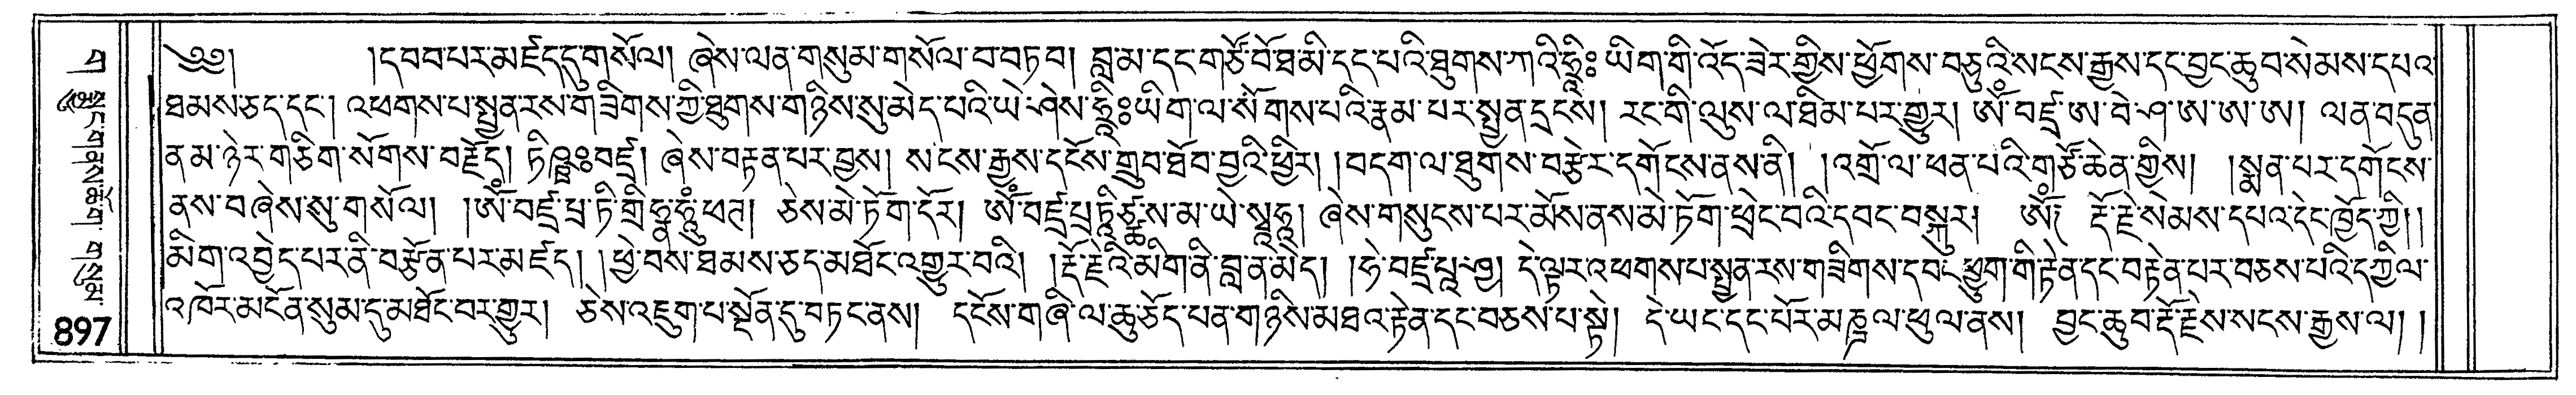༄༅། །དབབ་པར་མཛད་དུ་གསོལ། ཞེས་ལན་གསུམ་གསོལ་བ་བཏབ། བླ་མ་དང་གཙོ་བོ་ཐ་མི་དད་པའི་ཐུགས་ཀའི་ཧྲཱིཿ ཡིག་གི་འོད་ཟེར་གྱིས་ཕྱོགས་བཅུའི་སངས་རྒྱས་དང་བྱང་ཆུབ་སེམས་དཔའ་
ཐམས་ཅད་དང་། འཕགས་པ་སྤྱན་རས་གཟིགས་ཀྱི་ཐུགས་གཉིས་སུ་མེད་པའི་ཡེ་ཤེས་ཧྲཱིཿ ཡིག་ལ་སོགས་པའི་རྣམ་པར་སྤྱན་དྲངས། རང་གི་ལུས་ལ་ཐིམ་པར་གྱུར། ཨོཾ་བཛྲ་ཨ་བེ་ཤ་ཨ་ཨ་ཨ། ལན་བདུན་
ནམ་ཉེར་གཅིག་སོགས་བརྗོད། ཏིཥཊཿཨཿ བཛྲ། ཞེས་བརྟན་པར་བྱས། སངས་རྒྱས་དངོས་གྲུབ་ཐོབ་བྱའི་ཕྱིར། །བདག་ལ་ཐུགས་བརྩེར་དགོངས་ནས་ནི། །འགྲོ་ལ་ཕན་པའི་གཙོ་ཆེན་གྱིས། །སྨན་པར་དགོངས་
ནས་བཞེས་སུ་གསོལ། །ཨོཾ་བཛྲ་པྲ་ཏི་གྲིཧྣ་ཧཱུཾ་ཕཊ། ཅེས་མེ་ཏོག་དོར། ཨོཾ་བཛྲ་པྲ་ཏཱི་ཙྪ་ས་མ་ཡེ་སྭཱཧཱ། ཞེས་གསུངས་པར་མོས་ནས་མེ་ཏོག་ཕྲེང་བའི་དབང་བསྐུར། ཨོཾ༑ རྡོ་རྗེ་སེམས་དཔའ་དེང་ཁྱོད་ཀྱི། །
མིག་འབྱེད་པར་ནི་བརྩོན་པར་མཛད། །ཕྱེ་བས་ཐམས་ཅད་མཐོང་འགྱུར་བའི། །རྡོ་རྗེའི་མིག་ནི་བླ་ན་མེད། །ཧེ་བཛྲ་པཱ་ཤྱ། དེ་ལྟར་འཕགས་པ་སྤྱན་རས་གཟིགས་དབང་ཕྱུག་གི་རྟེན་དང་བརྟེན་པར་བཅས་པའི་དཀྱིལ་
འཁོར་མངོན་སུམ་དུ་མཐོང་བར་གྱུར། ཅེས་འཇུག་པ་སྔོན་དུ་བཏང་ནས། དངོས་གཞི་ལ་ཆུ་ཅོད་པན་གཉིས་མཐའ་རྟེན་དང་བཅས་པ་སྟེ། དེ་ཡང་དང་པོར་མཎྜལ་ཕུལ་ནས། བྱང་ཆུབ་རྡོ་རྗེས་སངས་རྒྱས་ལ། །